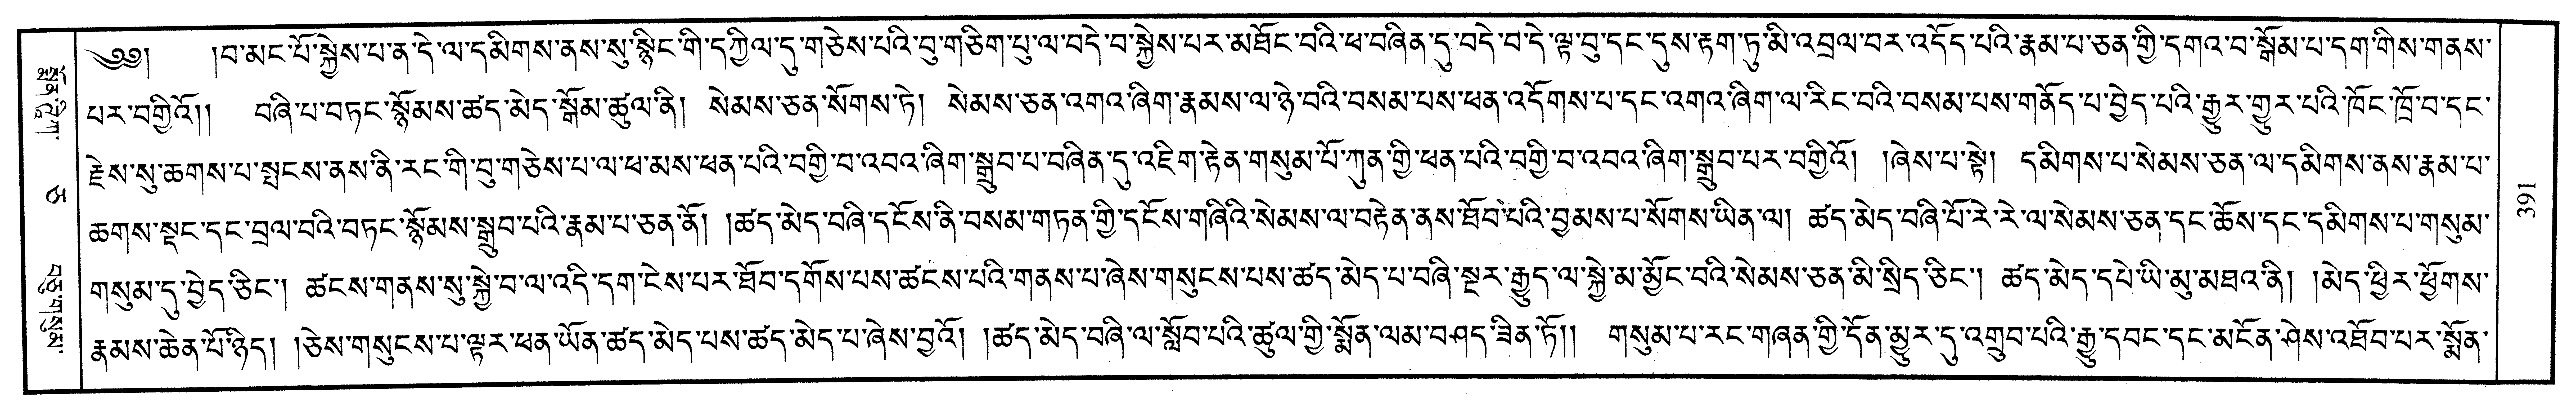༄༅། །བ་མང་པོ་སྐྱེས་པ་ན་དེ་ལ་དམིགས་ནས་སུ་སྙིང་གི་དཀྱིལ་དུ་གཅེས་པའི་བུ་གཅིག་པུ་ལ་བདེ་བ་སྐྱེས་པར་མཐོང་བའི་ཕ་བཞིན་དུ་བདེ་བ་དེ་ལྟ་བུ་དང་དུས་རྟག་ཏུ་མི་འབྲལ་བར་འདོད་པའི་རྣམ་པ་ཅན་གྱི་དགའ་བ་སྒོམ་པ་དག་གིས་གནས་
པར་བགྱིའོ།། བཞི་པ་བཏང་སྙོམས་ཚད་མེད་སྒོམ་ཚུལ་ནི། སེམས་ཅན་སོགས་ཏེ། སེམས་ཅན་འགའ་ཞིག་རྣམས་ལ་ཉེ་བའི་བསམ་པས་ཕན་འདོགས་པ་དང་འགའ་ཞིག་ལ་རིང་བའི་བསམ་པས་གནོད་པ་བྱེད་པའི་རྒྱུར་གྱུར་པའི་ཁོང་ཁྲོ་བ་དང་
རྗེས་སུ་ཆགས་པ་སྤངས་ནས་ནི་རང་གི་བུ་གཅེས་པ་ལ་ཕ་མས་ཕན་པའི་བགྱི་བ་འབའ་ཞིག་སྒྲུབ་པ་བཞིན་དུ་འཇིག་རྟེན་གསུམ་པོ་ཀུན་གྱི་ཕན་པའི་བགྱི་བ་འབའ་ཞིག་སྒྲུབ་པར་བགྱིའོ། །ཞེས་པ་སྟེ། དམིགས་པ་སེམས་ཅན་ལ་དམིགས་ནས་རྣམ་པ་
ཆགས་སྡང་དང་བྲལ་བའི་བཏང་སྙོམས་སྒྲུབ་པའི་རྣམ་པ་ཅན་ནོ། །ཚད་མེད་བཞི་དངོས་ནི་བསམ་གཏན་གྱི་དངོས་གཞིའི་སེམས་ལ་བརྟེན་ནས་ཐོབ་པའི་བྱམས་པ་སོགས་ཡིན་ལ། ཚད་མེད་བཞི་པོ་རེ་རེ་ལ་སེམས་ཅན་དང་ཆོས་དང་དམིགས་པ་གསུམ་
གསུམ་དུ་བྱེད་ཅིང་། ཚངས་གནས་སུ་སྐྱེ་བ་ལ་འདི་དག་ངེས་པར་ཐོབ་དགོས་པས་ཚངས་པའི་གནས་པ་ཞེས་གསུངས་པས་ཚད་མེད་པ་བཞི་སྔར་རྒྱུད་ལ་སྐྱེ་མ་མྱོང་བའི་སེམས་ཅན་མི་སྲིད་ཅིང་། ཚད་མེད་དཔེ་ཡི་མུ་མཐའ་ནི། །མེད་ཕྱིར་ཕྱོགས་
རྣམས་ཆེན་པོ་ཉིད། །ཅེས་གསུངས་པ་ལྟར་ཕན་ཡོན་ཚད་མེད་པས་ཚད་མེད་པ་ཞེས་བྱའོ། །ཚད་མེད་བཞི་ལ་སློབ་པའི་ཚུལ་གྱི་སྨོན་ལམ་བཤད་ཟིན་ཏོ།། གསུམ་པ་རང་གཞན་གྱི་དོན་མྱུར་དུ་འགྲུབ་པའི་རྒྱུ་དབང་དང་མངོན་ཤེས་འཐོབ་པར་སྨོན་